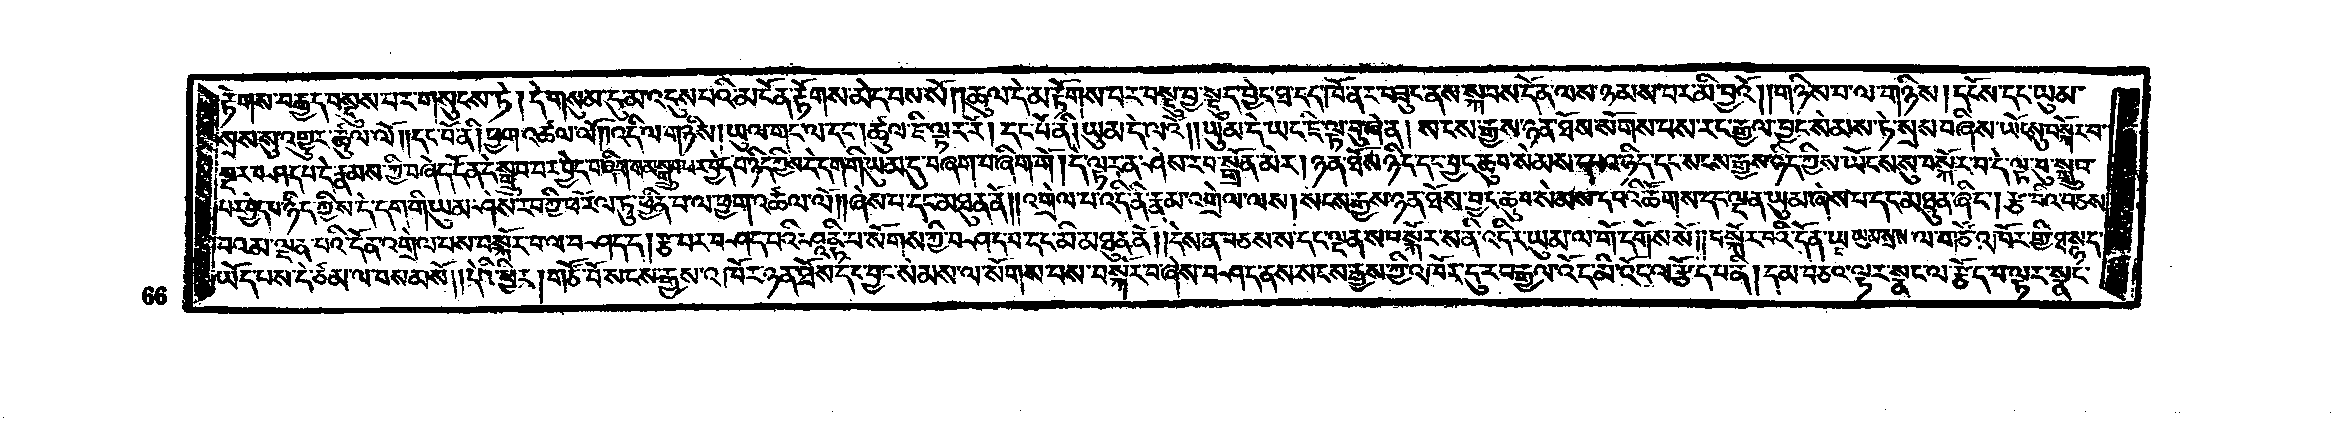རྟགས་བརྒྱད་བསྡུས་པར་གསུངས་ཏེ། དེ་གསུམ་དུ་མ་འདུས་པའི་མངོན་རྟོགས་མེད་པས་སོ། །ཚུལ་དེ་མ་རྟོགས་པར་བསྡུ་བྱ་སྡུད་བྱེད་ཐ་དད་ཁོ་ནར་བཟུང་ནས་སྐབས་དོན་ལས་ཉམས་པར་མི་བྱའོ། །གཉིས་པ་ལ་གཉིས། དངོས་དང་ཡུམ་
སྲས་སུ་འགྱུར་ཚུལ་ལོ། །དང་པོ་ནི། ཕྱག་འཚལ་ལོ། །འདི་ལ་གཉིས། ཡུལ་གང་ལ་དང་། ཚུལ་ཇི་ལྟར་རོ། དང་པོ་ནི། ཡུམ་དེ་ལའོ། །ཡུམ་དེ་ཡང་ཇི་ལྟ་བུ་ཞེ་ན། སངས་རྒྱས་ཉན་ཐོས་སོགས་པས་རང་རྒྱལ་བྱང་སེམས་ཏེ་སྲས་བཞིས་ཡོངས་སུ་བསྐོར་བ་
སྔར་བཤད་པ་དེ་རྣམས་ཀྱི་བཞེད་དོན་དེ་སྒྲུབ་བར་བྱེད་པ་ཞིག་གམ་སྒྲུབ་པར་བྱེད་པ་ཉིད་ཀྱིས་དེ་དག་གི་ཡུམ་དུ་བཞག་པ་ཞིག་གོ །དེ་ལྟར་ན་ཤེས་རབ་སྒྲོན་མེར། ཉན་ཐོས་ཉིད་དང་བྱང་ཆུབ་སེམས་དཔའ་ཉིད་དང་སངས་རྒྱས་ཉིད་ཀྱིས་ཡོངས་སུ་བསྐོར་བ་དེ་ལྟ་བུ་སྒྲུབ་
པར་བྱེད་པ་ཉིད་ཀྱིས་དེ་དག་གི་ཡུམ་ཤེས་རབ་ཀྱི་ཕ་རོལ་ཏུ་ཕྱིན་པ་ལ་ཕྱག་འཚལ་ལོ། །ཞེས་པ་དང་མཐུན་ནོ། །འགྲེལ་པ་འདི་ནི་རྣམ་འགྲེལ་ལས། སངས་རྒྱས་ཉན་ཐོས་བྱང་ཆུབ་སེམས་དཔའི་ཚོགས་དང་ལྡན་ཡུམ་ཞེས་པ་དང་མཐུན་ཞིང་། རྩ་བའི་བཅས་
པའམ་ལྡན་པའི་དོན་འགྲེལ་པས་བསྐོར་བ་ལ་བཤད་དེ། རྩ་བར་བཤད་པའི་ཤཱནྟི་པ་སོགས་ཀྱི་བཤད་པ་དང་མི་མཐུན་ནོ། །དེས་ན་བཅས་ས་དང་ལྡན་ས་བསྐོར་ས་ནི་འདིར་ཡུམ་ལ་གོ་དགོས་སོ། །བསྐོར་བའི་དོན་ཡང་ཡུམ་སྲས་ལ་གཙོ་འཁོར་གྱི་ཐ་སྙད་
ཡོད་པས་དེ་ཙམ་ལ་བསམས་སོ། །དེའི་ཕྱིར། གཙོ་བོ་སངས་རྒྱས་འཁོར་ཉན་ཐོས་དང་བྱང་སེམས་ལ་སོགས་པས་བསྐོར་བ་ཞེས་བཤད་ནས་སངས་རྒྱས་ཀྱི་འཁོར་དུ་རང་རྒྱལ་འོད་མི་འོང་ལ་རྩོད་པ་ནི། དམ་བཅའ་ལྟར་སྣང་ལ་རྩོད་པ་ལྟར་སྣང་